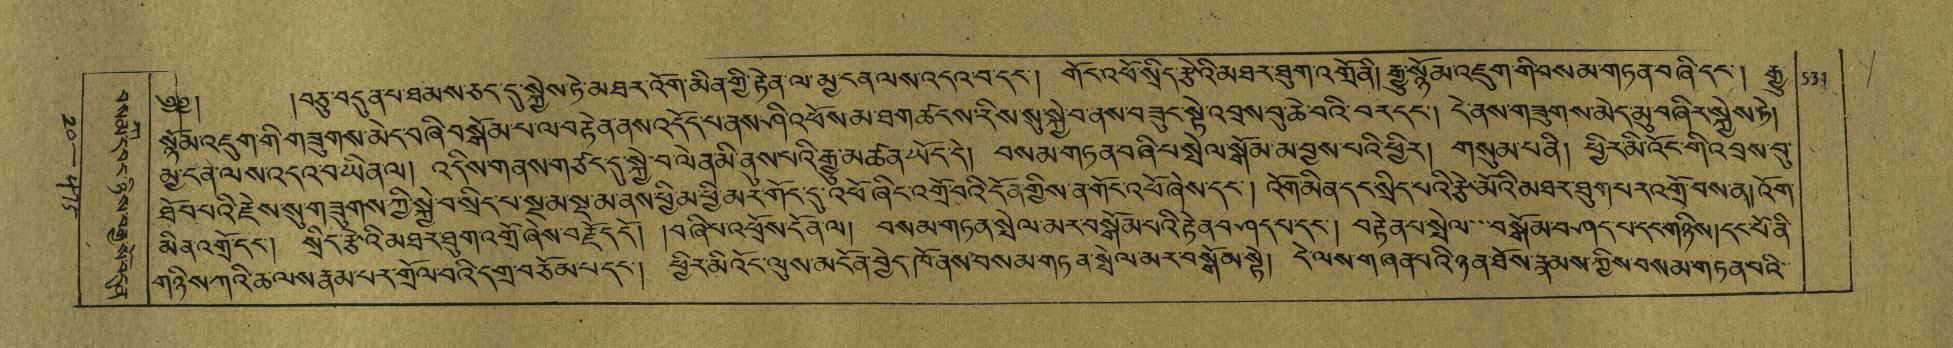༄༅། །བཅུ་བདུན་པ་ཐམས་ཅད་དུ་སྐྱེས་ཏེ་མཐར་འོག་མིན་གྱི་རྟེན་ལ་མྱ་ངན་ལས་འདའ་བ་དང་། གོང་འཕོ་སྲིད་རྩེའི་མཐར་ཐུག་འགྲོ་ནི། རྒྱུ་སྙོམ་འཇུག་གི་བསམ་གཏན་བཞི་དང་། རྒྱུ་
སྙོམ་འཇུག་གི་གཟུགས་མེད་བཞི་བསྒོམ་པ་ལ་བརྟེན་ནས་འདོད་པ་ནས་ཤི་འཕོས་མ་ཐག་ཚངས་རིས་སུ་སྐྱེ་བ་ནས་བཟུང་སྟེ་འབྲས་བུ་ཆེ་བའི་བར་དང་། དེ་ནས་གཟུགས་མེད་མུ་བཞིར་སྐྱེས་ཏེ།
མྱ་ངན་ལས་འདའ་བ་ཡིན་ལ། འདིས་གནས་གཙང་དུ་སྐྱེ་བ་ལེན་མི་ནུས་པའི་རྒྱུ་མཚན་ཡོད་དེ། བསམ་གཏན་བཞི་པ་སྤེལ་སྒོམ་མ་བྱས་པའི་ཕྱིར། གསུམ་པ་ནི། ཕྱིར་མི་འོང་གི་འབྲས་བུ་
ཐོབ་པའི་རྗེས་སུ་གཟུགས་ཀྱི་སྐྱེ་བ་སྲིད་པ་སྔ་མ་སྔ་མ་ནས་ཕྱི་མ་ཕྱི་མར་གོང་དུ་འཕོ་ཞིང་འགྲོ་བའི་དོན་གྱིས་ན་གོང་འཕོ་ཞེས་དང་། འོག་མིན་དང་སྲིད་པའི་རྩེ་མོའི་མཐར་ཐུག་པར་འགྲོ་བས་ན། འོག་
མིན་འགྲོ་དང་། སྲིད་རྩེའི་མཐར་ཐུག་འགྲོ་ཞེས་བརྗོད་དོ། །བཞི་པ་འཕྲོས་དོན་ལ། བསམ་གཏན་སྤེལ་མར་བསྒོམ་པའི་རྟེན་བཤད་པ་དང་། བརྟེན་པ་སྤེལ་བསྒོམ་བཤད་པ་དང་གཉིས། དང་པོ་ནི་
གཉིས་ཀའི་ཆ་ལས་རྣམ་པར་གྲོལ་བའི་དགྲ་བཅོམ་པ་དང་། ཕྱིར་མི་འོང་ལུས་མངོན་བྱེད་ཁོ་ནས་བསམ་གཏན་སྤེལ་མར་བསྒོམ་སྟེ། དེ་ལས་གཞན་པའི་ཉན་ཐོས་རྣམས་ཀྱིས་བསམ་གཏན་པའི་